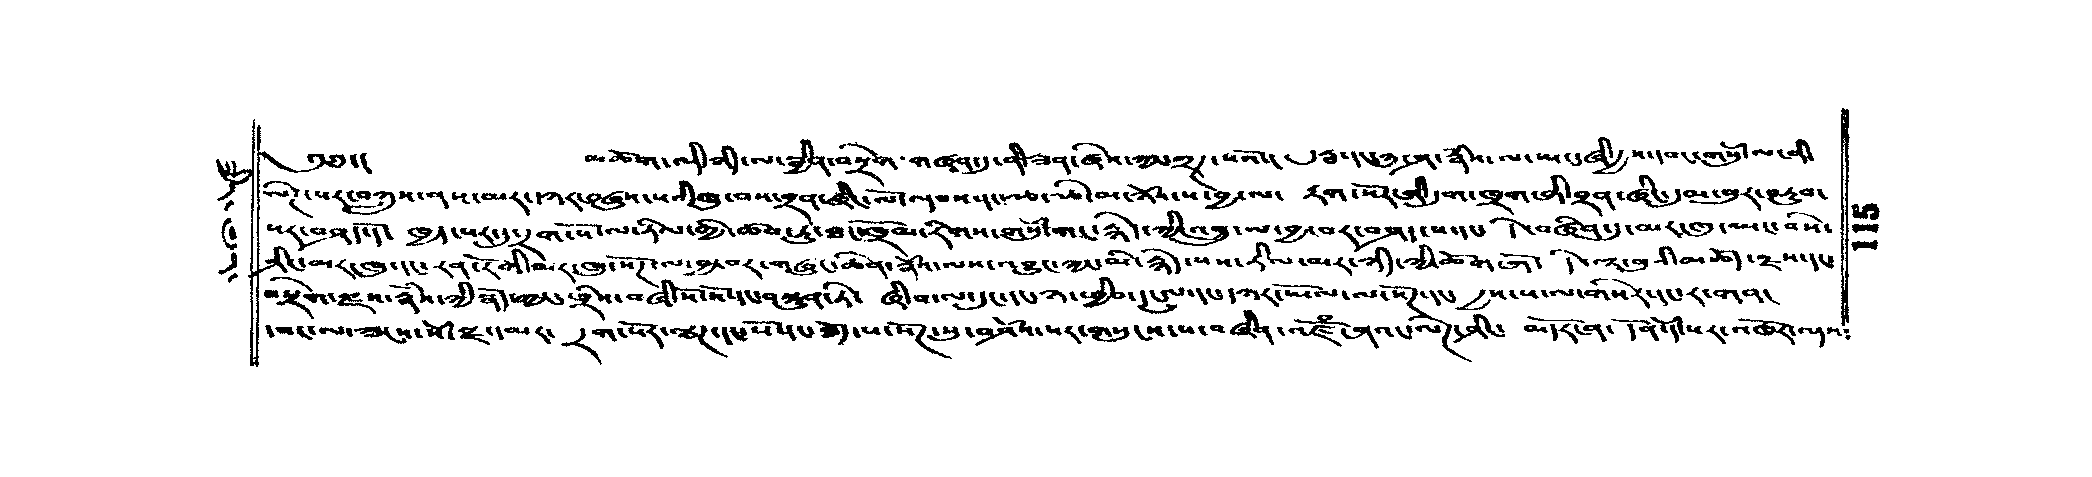མཆོག་འདི་ཉིད་ལ་སྦྱིན་སྲེག་གཞན་དུ་ནི་ཟན་ཞེས་ཀྱང་གྲགས་པའོ། དུརྦ་དང་ཀུ་ཤ་རྣམས་ལ་ཡང་ཞི་རྒྱས་དབང་གསུམ་ལ་ནི་
ལེགས་པར་བཀྲུས་ནས་མར་དཀར་བཞུས་པའི་ཁུ་བས་བྲན་ཞིང་འོ་འདབ་དང་རྩ་རྩེ་མ་ཉམས་པ་བྱ་ལ། རྟག་སོར་གྱི་དུག་ཁྲག་གི་བྲན་ཞིང་དུམ་བུར་བཏུབ་
པར་བཤད་དོ། ཁྱད་པར་དུ་དྲག་པོ་ལ་ཏིལ་གྱི་ཚབ་ཏུ་ཐང་ཁྲོམ་རིགས་གསུམ་གང་རྙེད་ཀྱི་འབྲུ་ལ་བྱ་བར་བཤད་པ་དང་། དེ་བཞིན་དུ་མར་ཁུ་ཡང་བསེ་
ཤིང་མར་ཁུ་དང་། རན་རོག་གི་མར་ཁུ་སོགས་ལ་བྱ་བར་གཞུང་ཆེན་རྣམས་ལས་འབྱུང་ཀྱང་མི་རྙེད་པས་ཏིལ་མར་ཉིད་ཀྱི་ཆོག་གོ་དེ་ལྟ་བུའི་མཆོད་རྫས་དང་
བསྲེག་རྫས་རྣམས་ཀྱི་སྣོད་ཀྱང་ཕྲིན་ལས་བཞི་སོ་སོ་དང་བསྟུན་ཏེ། ཞི་བ་ལ་དུང་དང་ཉ་ཕྱིས་དངུལ་དང་དཀར་ཡོལ་ལ་སོགས་དང་། རྒྱས་པ་ལ་གསེར་དང་ར་གན་
དབང་ལ་ཟངས་སམ་རྫ་དམར། དྲག་པོར་ལྕགས་དང་སོ་དང་ཐོད་པ་སོགས་སུ་བཤམས་པར་གསུངས་པ་བཞིན་འཛོམ་ནའང་ལེགས་ཤིང་། མདོར་ན་དོན་དམ་པར་འཁོར་འདས་